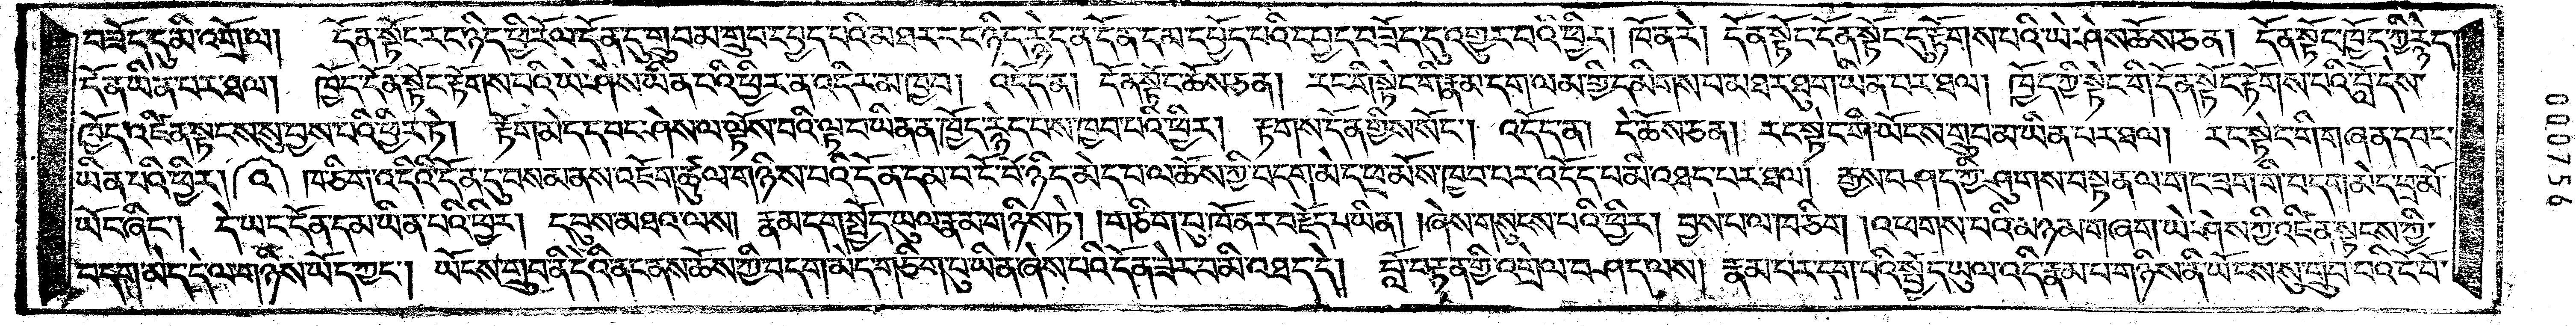བཟོད་དུ་མི་འགྲོ་ལ། དོན་སྟོང་རང་ཉིད་ཕྱི་རོལ་དོན་དུ་གྲུབ་མ་གྲུབ་དཔྱད་པའི་མཐར་རང་ཉིད་རྙེད་ན་དོན་དམ་དཔྱོད་པའི་དཔྱད་བཟོད་དུ་འགྱུར་བའི་ཕྱིར། ཁོ་ན་རེ། དོན་སྟོང་དོན་སྟོང་དུ་རྟོགས་པའི་ཡེ་ཤེས་ཆོས་ཅན། དོན་སྟོང་ཁྱོད་ཀྱི་རྙེད་
དོན་ཡིན་པར་ཐལ། ཁྱོད་དོན་སྟོང་རྟོགས་པའི་ཡེ་ཤེས་ཡིན་པའི་ཕྱིར་ན་འདིར་མ་ཁྱབ། འདོད་ན། དོན་སྟོང་ཆོས་ཅན། རང་གི་སྟེང་གི་རྣམ་དག་ལམ་གྱི་དམིགས་པ་མཐར་ཐུག་ཡིན་པར་ཐལ། ཁྱོད་ཀྱི་སྟེང་གི་དོན་སྟོང་རྟོགས་པའི་བློ་དེས་
ཁྱོད་འཛིན་སྟངས་སུ་བྱས་པའི་ཕྱིར་ཏེ། རྟོག་མེད་དབང་ཤེས་ལ་ལྟོས་པའི་ལྟ་བ་ཡིན་ན་ཁྱོད་རྙེད་པས་ཁྱབ་པའི་ཕྱིར། རྟགས་དོན་གྱིས་སོང་། འདོད་ན། དེ་ཆོས་ཅན། རང་སྟེང་གི་ཡོངས་གྲུབ་མ་ཡིན་པར་ཐལ། རང་སྟེང་གི་གཞན་དབང་
ཡིན་པའི་ཕྱིར། ༼འ༽ ཁ་ཅིག་འདིའི་དོན་དུ་བསམ་ནས་འཇོག་ཚུལ་གཉིས་པའི་དོན་དམ་པ་ངོ་བོ་ཉིད་མེད་པ་ལ་ཆོས་ཀྱི་བདག་མེད་ཕྲ་མོས་ཁྱབ་པར་འདོད་པ་མི་འཐད་པར་ཐལ། རྒྱས་བཤད་ཀྱི་ཤུགས་བསྟན་ལ་གང་ཟག་གི་བདག་མེད་ཕྲ་མོ་
ཡོང་ཞིང་། དེ་ཡང་དོན་དམ་ཡིན་པའི་ཕྱིར། དབུས་མཐའ་ལས། རྣམ་དག་སྤྱོད་ཡུལ་རྣམ་གཉིས་ཏེ། །གཅིག་པུ་ཁོ་ནར་བརྗོད་པ་ཡིན། །ཞེས་གསུངས་པའི་ཕྱིར། བྱས་པ་ལ་ཁ་ཅིག །འཕགས་པའི་མཉམ་གཞག་ཡེ་ཤེས་ཀྱི་འཛིན་སྟངས་ཀྱི་
བདག་མེད་དེ་ལ་གཉིས་ཡོད་ཀྱང་། ཡོངས་གྲུབ་ནི་དེའི་ནང་ནས་ཆོས་ཀྱི་བདག་མེད་གཅིག་པུ་ཡིན་ཞེས་པའི་དོན་ཟེར་བ་མི་འཐད་དེ། བློ་བརྟན་གྱི་འགྲེལ་བཤད་ལས། རྣམ་པར་དག་པའི་སྤྱོད་ཡུལ་འདི་རྣམ་པ་གཉིས་ནི་ཡོངས་སུ་གྲུབ་པའི་ངོ་བོ་